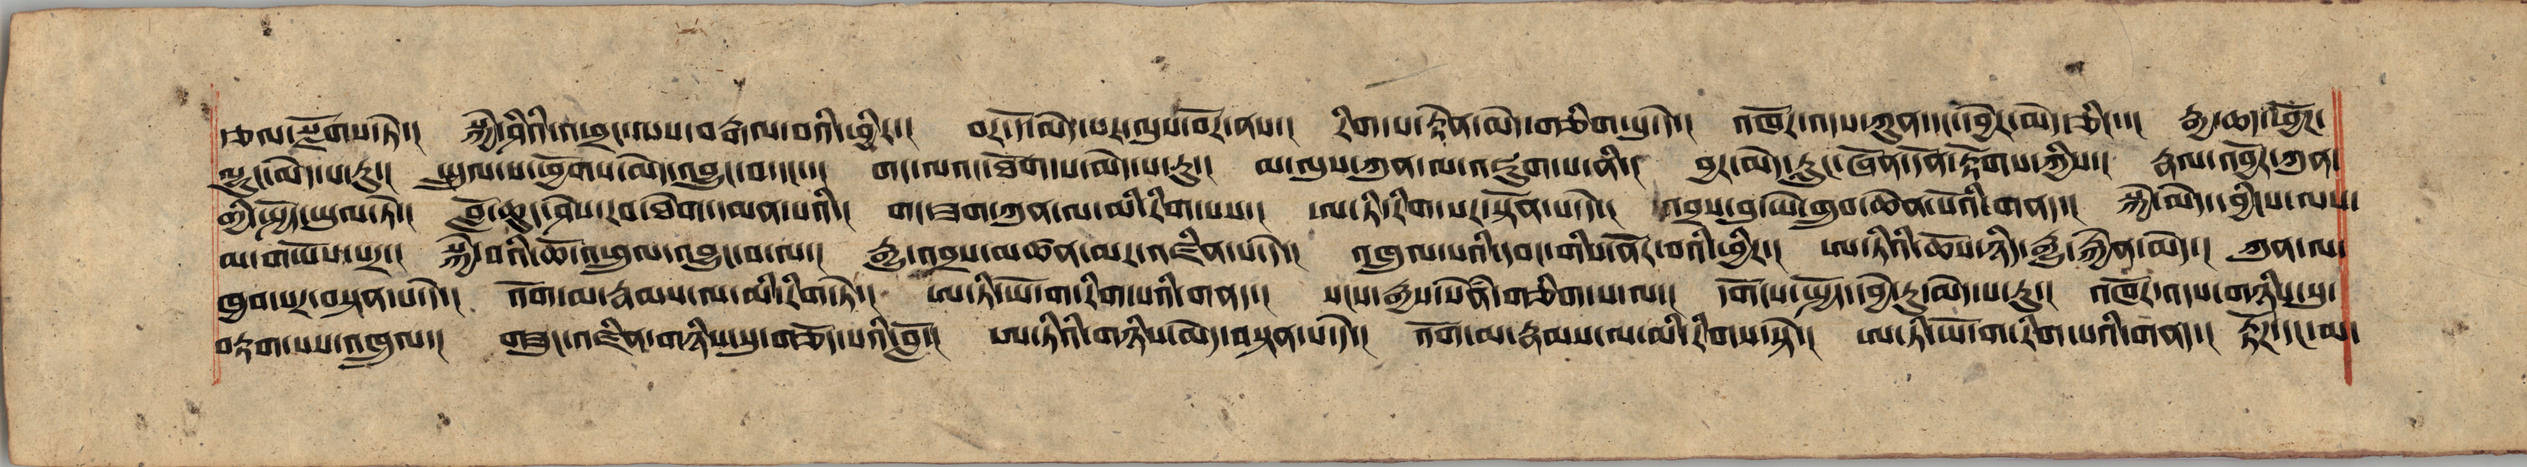རྩལ་སྫོགས་ཏེ་། སྐྱེ་ཤིའི་འཕྲང་ལས་བརྒལ་བའི་ཕྱིར་། བར་དོ་མེད་པར་ལུས་བོར་ནས་། རིག་པ་རྟེན་མེད་གཅིག་པུ་དེ་། འཁོར་འདས་ཀུན་དང་དབྱེར་མེད་ཅིང་་། རྒྱ་ཆད་ཕྱོཌ་
ལྷུང་མེད་པ་རུ་། སྤྲུལ་པ་ཕྱོགས་མེད་འབྱུང་བ་དང་་། གང་ལའང་ཐོག་པ་མེད་པ་རུ་། མ་ལུས་ཀུན་ལ་འཇུག་པ་ནི་། བྱར་མེད་རླུང་ཞོན་དོན་རྟོགས་ཀྱིས་། རྣལ་འབྱོར་ཀུན་
གྱི་སྤྱོད་ཡུལ་ཏེ་། བློ་ཆུང་ཤེས་རབ་ཐེག་དམན་པའི་། གང་ཟག་ཀུན་ལ་མི་རིག་པས་། ཨ་ཏི་རིག་པར་སྟོན་པ་དེ་། འབྲས་བུ་ཡེ་གྲུབ་ཆེན་པོའི་གནད་། སྐྱེ་མེད་དབྱིངས་ལས་
མ་གཡོས་པར་། སྐྱེ་བའི་ཆོ་འཕྲུལ་འབྱུང་བ་ལ་། རྒྱུ་འབྲས་མཚན་མར་འཛིན་པ་དེ་། འཁྲུལ་པའི་དབང་གིས་ནོར་བའི་ཕྱིར་། ཨ་ཏིའི་ཆོས་ཉིད་རྒྱུ་རྐྱེན་མེད་། ཀུན་ལ་
ཁྱབ་པར་བསྟན་པ་དེ་། འོག་མ་རྣམས་ལ་མི་རིག་ཏེ་། ཨ་ཏི་ཡོ་ག་རིག་པའི་གནད་། སངས་རྒྱས་སེཾན་གཅིག་པ་ལ་། དགོངས་སྤྱོད་དབྱེ་རུ་མེད་པ་རུ་། འཁོར་འདས་གཉིས་སུ་
བརྟག་པས་འཁྲུལ་། གཟུང་འཛིན་གཉིས་སུ་གཅོད་པའི་བློ་། ཨ་ཏིའི་གཉིས་མེད་བསྟན་པ་དེ་། འོག་མ་རྣམས་ལ་མི་རིགས་སྟེ་། ཨ་ཏི་ཡོ་ག་རིག་པའི་གནད་། རྟོཌ་དང་མ་